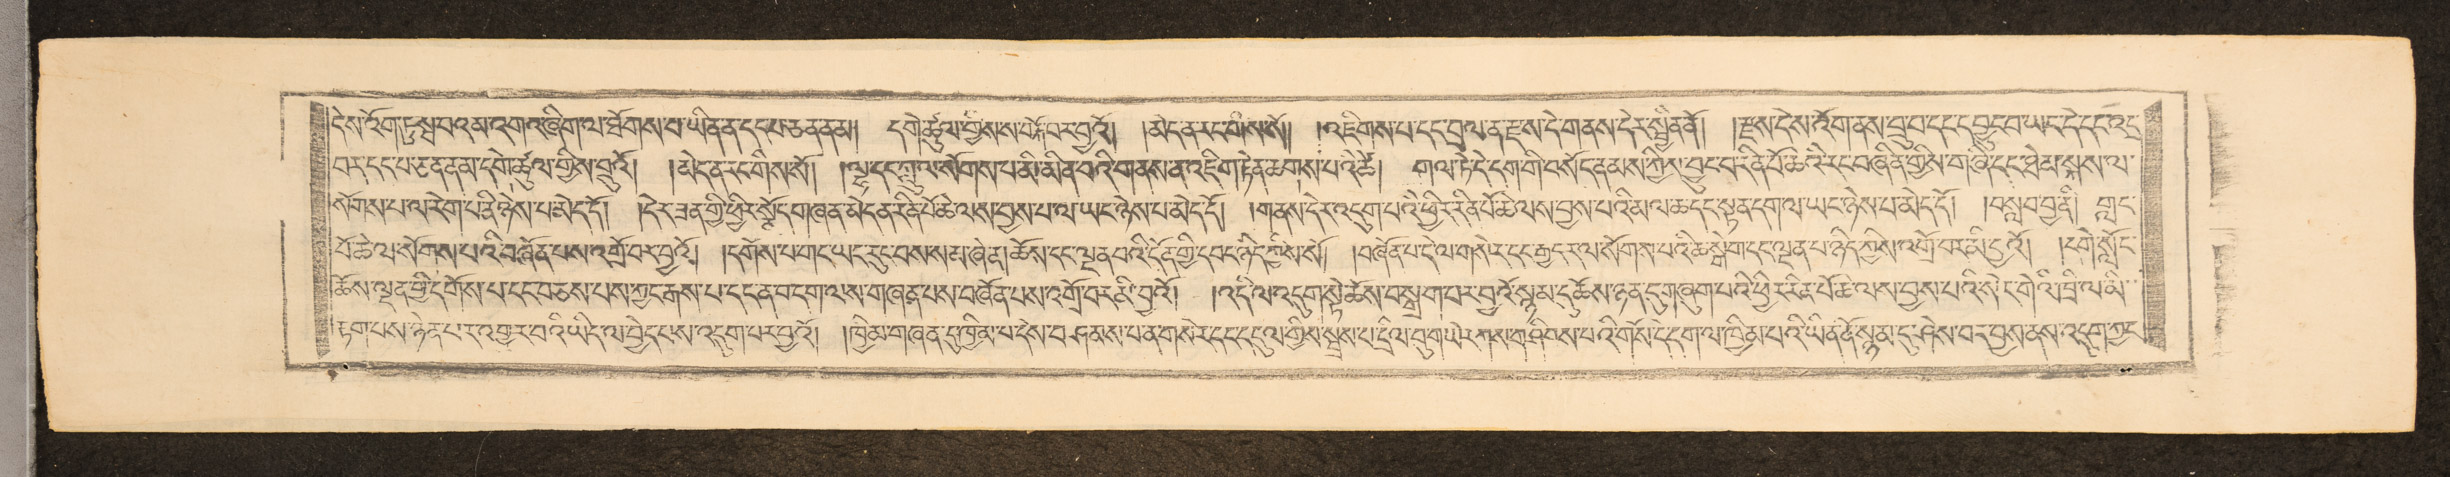དེས་འོག་ཏུ་སྦ་བའམ་འགའ་ཞིག་ལ་ཐོགས་པ་ཡིན་ན་དད་པ་ཅན་ནམ། དགེ་ཚུལ་གྱིས་ས་བརྐོ་བར་བྱའོ། །མེད་ན་རང་གིས་སོ། །འཇིགས་པ་དང་བྲལ་ན་རྫས་དེ་གནས་དེར་སྦྱིན་ནོ། །རྫས་དེ་ས་འོག་ནས་བྲུབ་དང་དབྱུང་བ་ཡང་དེ་དང་འདྲ་
བར་དད་པ་ཅན་ནམ་དགེ་ཚུལ་གྱིས་བྲུའོ། །མེད་ན་རང་གིས་སོ། །ལྷ་དང་ཀླུ་ལ་སོགས་པ་མི་མིན་པའི་གནས་ན་འཇིག་རྟེན་ཆགས་པའི་ཚེ། གལ་ཏེ་དེ་དག་གི་བསོད་ནམས་ཀྱིས་བྱུང་བ་རིན་པོ་ཆེའི་རང་བཞིན་གྱིས་གཞི་དང་ཐེམ་སྐས་ལ་
སོགས་པ་ལ་རེག་པ་ནི་ཉེས་པ་མེད་དོ། །དེར་ཟན་གྱི་ཕྱིར་སྣོད་གཞན་མེད་ན་རིན་པོ་ཆེ་ལས་བྱས་པ་ལ་ཡང་ཉེས་པ་མེད་དོ། །གནས་དེར་འདུག་པའི་ཕྱིར་རིན་པོ་ཆེ་ལས་བྱས་པའི་མལ་ཆ་དང་སྟན་དག་ལ་ཡང་ཉེས་པ་མེད་དོ། །བསླབ་བྱ་ནི། གླང་
པོ་ཆེ་ལ་སོགས་པའི་བཞོན་པས་འགྲོ་བར་བྱའོ། །དགོས་པ་གང་ཡང་རུང་བས་སམ་ཞེ་ན། ཆོས་དང་ལྡན་པའི་དོན་གྱི་དབང་ཉིད་ཀྱིས་སོ། །བཞོན་པ་དེ་ལ་གསེར་དང་རྒྱ་དར་ལ་སོགས་པའི་ཆ་སྒེག་དང་ལྡན་པ་ཉིད་ཀྱིས་འགྲོ་བར་མི་བྱའོ། །དགེ་སློང་
ཆོས་ལྡན་གྱི་དགོས་པ་དང་བཅས་པས་ཀྱང་རྒས་པ་དང་ན་བ་དག་ལས་གཞན་པས་བཞོན་པས་འགྲོ་བར་མི་བྱའོ། །འདི་ལ་འདུག་སྟེ་ཆོས་བསྒྲག་བར་བྱའོ་སྙམ་དུ་ཆོས་ཉན་དུ་གཞུག་པའི་ཕྱིར་རིན་པོ་ཆེ་ལས་བྱས་པའི་སེང་གེའི་ཁྲི་ལ་མི་
རྟག་པས་ཉེན་པར་འགྱུར་བའི་ཡིད་ལ་བྱེད་པས་འདུག་པར་བྱའོ། །ཁྱིམ་གཞན་དུ་ཁྱིམ་པ་དེས་བཤམས་པ་ན་གསེར་དང་དངུལ་གྱིས་སྦྲས་པ་དྲིལ་བུ་གཡེར་ཀས་གཤིབས་པའི་གོས་དེ་དག་ལ་ཁྱིམ་པའི་ཡིན་ནོ་སྙམ་དུ་ཤེས་བར་བྱས་ནས་འདུག་ཀྱང་